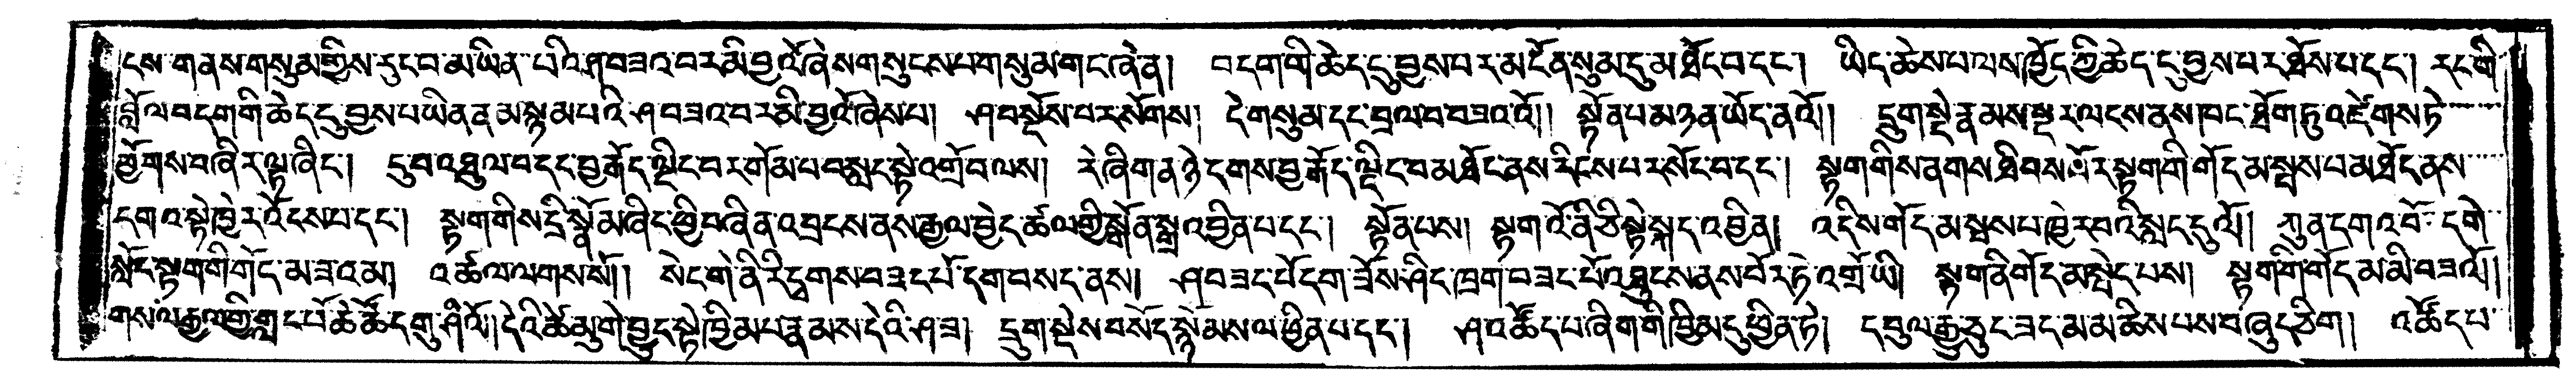ངས་གནས་གསུམ་གྱིས་རུང་བ་མ་ཡིན་པའི་ཤ་བཟའ་བར་མི་བྱའོ་ཞེས་གསུངས་པ་གསུམ་གང་ཞེ་ན། བདག་གི་ཆེད་དུ་བྱས་པར་མངོན་སུམ་དུ་མཐོང་བ་དང་། ཡིད་ཆེས་པ་ལས་ཁྱོད་ཀྱི་ཆེད་དུ་བྱས་པར་ཐོས་པ་དང་། རང་གི་
བློ་ལ་བདག་གི་ཆེད་དུ་བྱས་པ་ཡིན་ནམ་སྙམ་པའི་ཤ་བཟའ་བར་མི་བྱའོ་ཞེས་པ། ཤ་བསྔོས་པར་སོགས། དེ་གསུམ་དང་བྲལ་བ་བཟའ་འོ།། སྟོན་པ་མཉན་ཡོད་ནའོ།། དྲུག་སྡེ་རྣམས་སྔར་ལངས་ནས་ཁང་ཐོག་ཏུ་འཛེགས་ཏེ་
ཕྱོགས་བཞིར་ལྟ་ཞིང་། དུ་བ་འཐུལ་བ་དང་བྱ་རྒོད་ལྡིང་བར་གོམ་པ་བསླང་སྟེ་འགྲོ་བ་ལས། རེ་ཞིག་ན་ཉེ་དགས་བྱ་རྒོད་ལྡིང་བ་མཐོང་ནས་རིངས་པར་སོང་བ་དང་། སྟག་གིས་ནགས་ཐིབས་བོར་སྟག་གི་གོད་མ་སྦས་པ་མཐོང་ནས་
དགའ་སྟེ་ཁྱེར་འོངས་པ་དང་། སྟག་གིས་དྲི་སྣོམ་ཞིང་ཕྱི་བཞིན་འབྲངས་ནས་རྒྱལ་བྱེད་ཚལ་གྱི་སྒོན་སྒྲ་འབྱིན་པ་དང་། སྟོན་པས། སྟག་འོ་ནི་ཅི་སྟེ་སྐད་འབྱིན། འདིས་གོད་མ་སྦས་པ་ཁྱེར་བའི་སླད་དུའོ།། ཀུན་དགའ་བོ་དགེ་
སློང་སྟག་གི་གོད་མ་ཟ་འམ། འཚལ་ལགས་སོ།། སེང་གེ་ནི་རི་དྭགས་བཟང་པོ་དག་བསད་ནས། ཤ་བཟང་པོ་དག་ཟོས་ཤིང་ཁྲག་བཟང་པོ་འཐུངས་ནས་བོར་ཏེ་འགྲོ་ཡི། སྟག་ནི་གོད་མ་སྤེད་པས། སྟག་གི་གོད་མ་མི་བཟའོ།།
གསལ་རྒྱལ་གྱི་གླང་པོ་ཆེ་ཚོ་དགུ་ཤིའོ།། དེའི་ཚེ་མུ་གེ་བྱུང་སྟེ་ཁྱིམ་པ་རྣམས་དེའི་ཤ་ཟ། དྲུག་སྡེས་བསོད་སྙོམས་ལ་ཕྱིན་པ་དང་། ཤ་འཚོད་པ་ཞིག་གི་ཁྱིམ་དུ་ཕྱིན་ཏེ། དབུལ་རྒྱུ་ཅུང་ཟད་མ་མཆིས་པས་བཞུད་ཅིག། འཚོད་པ་